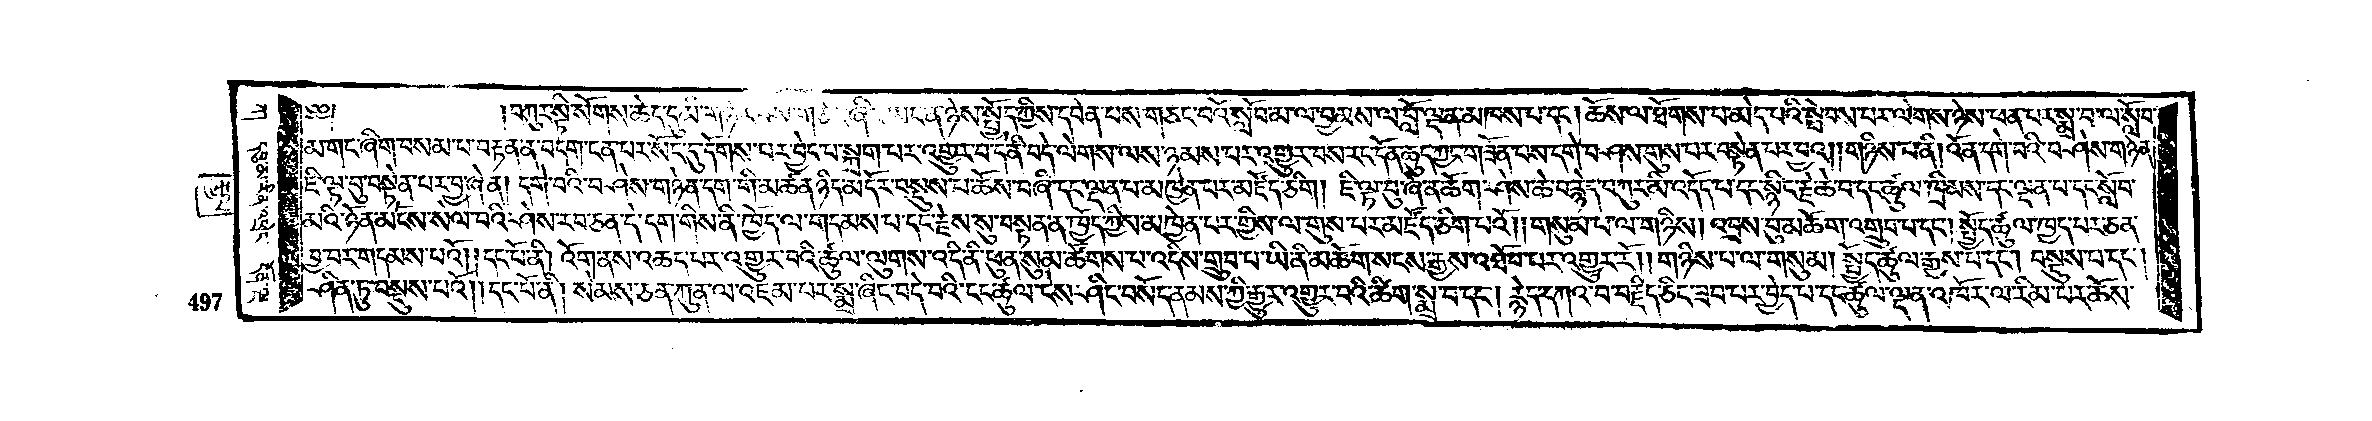༄༅། །བཀུར་སྟི་སོགས་ཆེད་དུ་མི་གཉེར་བས་གཙང་ཞིང་ཡང་ན་ཉེས་སྤྱོད་ཀྱིས་དབེན་པས་གཙང?་བའོ་སློབ་མ་ལ་བྱམས་ལ་བློ་ལྡན་མཁས་པ་དང་། ཆོས་ལ་ཐོགས་པ་མེད་པའི་སྦེབས་པར་ལེགས་ཉེས་ཕན་པར་སྨྲ་བ་ལ་སློབ་
མ་གང་ཞིག་བསམ་པ་བརྟན་ན་བདག་ངན་པར་སོང་དུ་དོགས་པར་བྱེད་པ་སྐྲག་པར་འགྱུར་བ་དེ་ནི་བདེ་ལེགས་ལས་ཉམས་པར་འགྱུར་བས་རང་དོན་ཆུད་ཀྱང་གཟོན་པས་དགེ་བཤས་གུས་པར་བསྟེན་པར་བྱའོ། །གཉིས་པ་ནི། འོ་ན་དགེ་བའི་བཤེས་གཉེན་
ཇི་ལྟ་བུ་བསྟེན་པར་བྱ་ཞེ་ན། དགེ་བའི་བཤེས་གཉེན་དག་གི་མཚན་ཉིད་མདོར་བསྡུས་པ་ཆོས་བཞི་དང་ལྡན་པ་མཁྱེན་པར་མཛོད་ཅིག །ཇི་ལྟ་བུ་ཞེ་ན་ཆོག་ཤེས་ཆེ་བརྙེད་བཀུར་མི་འདོད་པ་དང་སྙིང་རྗེ་ཆེ་བ་དང་ཚུལ་ཁྲིམས་དང་ལྡན་པ་དང་སློབ་
མའི་ཉོན་མོངས་སེལ་བའི་ཤེས་རབ་ཅན་དེ་དག་གིས་ནི་ཁྱོད་ལ་གདམས་པ་དང་རྗེས་སུ་བསྟན་ན་ཁྱོད་ཀྱིས་མཁྱེན་པར་གྱིས་ལ་གུས་པར་མཛོད་ཅིག་པའོ། །གསུམ་པ་ལ་གཉིས། འབྲས་བུ་མཆོག་འགྲུབ་པ་དང་། སྤྱོད་ཚུལ་ཁྱད་པར་ཅན་
བྱ་བར་གདམས་པའོ། །དང་པོ་ནི། འོག་ནས་འཆད་པར་འགྱུར་བའི་ཚུལ་ལུགས་འདི་ནི་ཕུན་སུམ་ཚོགས་པ་འདིས་གྲུབ་པ་ཡི་ནི་མཆོག་སངས་རྒྱས་འཐོབ་པར་འགྱུར་རོ། །གཉིས་པ་ལ་གསུམ། སྤྱོད་ཚུལ་རྒྱས་པ་དང་། བསྡུས་པ་དང་།
ཤིན་ཏུ་བསྡུས་པའོ། །དང་པོ་ནི། སེམས་ཅན་ཀུན་ལ་འཇམ་པར་སྨྲ་ཞིང་བདེ་བའི་ངང་ཚུལ་ངེས་ཤིང་བསོད་ནམས་ཀྱི་རྒྱུར་འགྱུར་བའི་ཚིག་སྨྲ་བ་དང་། རྙེད་དཀའ་བ་བརྗིད་ཅིང་ཟབ་པར་བྱེད་པ་དང་ཚུལ་ལྡན་འཁོར་ལ་རིམ་པར་ཆོས་